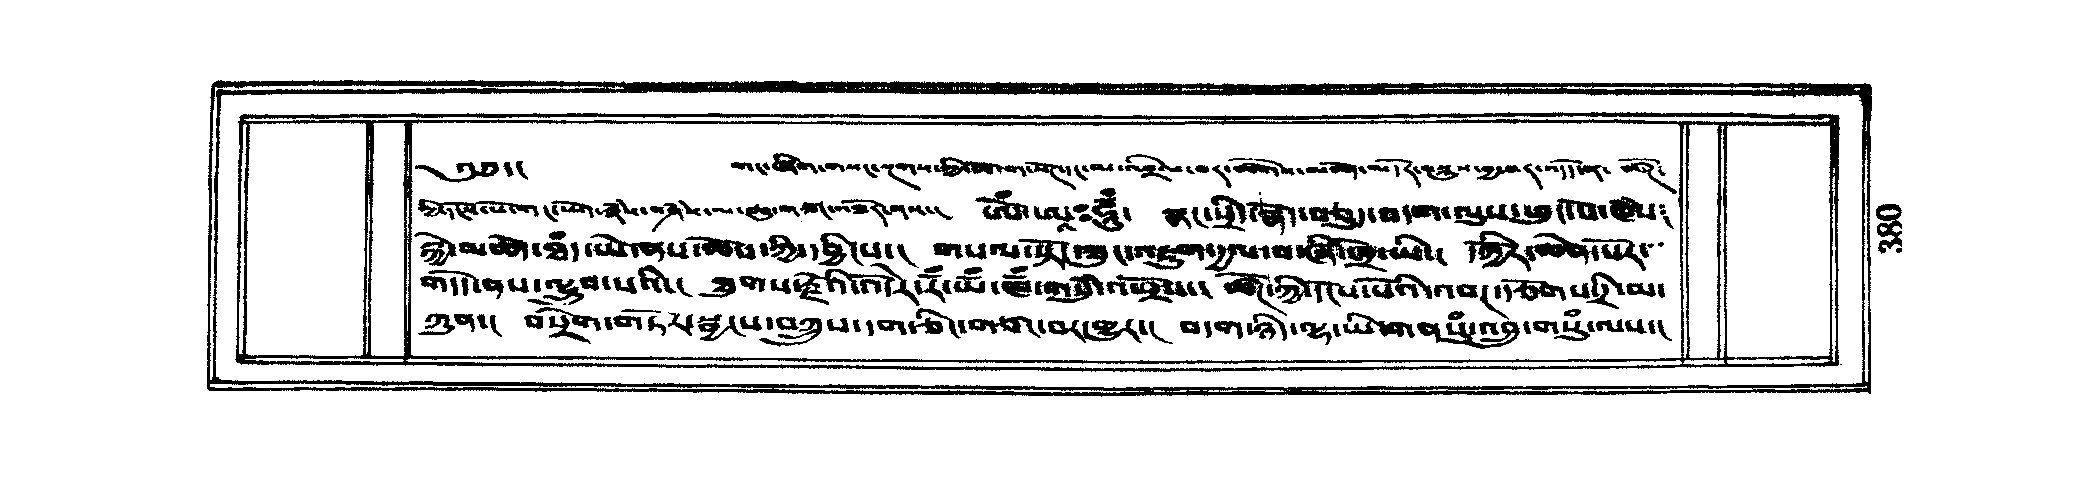གང་ཞིག་གསང་སྔགས་ཀྱི་ཆོ་ག་སོགས་དང་མ་འབྲེལ་བར་ཚོགས་མཆོད་མདོར་བསྡུས་བྱ་བར་འདོད་ན། ཚོགས་
ཀྱི་དངོས་པོ་གང་ཡོད་རྣམས་བཤམས་ལ་ཆུ་གཙང་འཐོར་ནས། ཨོྂ་ཨཱཿཧཱུྂ། སྣང་སྲིད་སྣོད་བཅུད་བདག་ལུས་ཕུང་པོ་ཁམས། །
སྐྱེ་མཆེད་ཐམས་ཅད་ཡེ་ནས་ཆོས་ཀྱི་དབྱིངས། །གསལ་སྟོང་ཟུང་འཇུག་རྒྱལ་བ་ཞི་ཁྲོ་ཡི། །དཀྱིལ་འཁོར་ཆེན་པོར་
གདོད་ནས་ལྷུན་གྲུབ་པའི། །ཐུགས་རྗེ་འོད་ཟེར་རྃ་ཡྃ་ཁྃ་གསུམ་འཕྲོས། །ཚོགས་ཀྱི་དངོས་པོའི་འབག་རྩོགས་དྲི་མ་
ཀུན། །བསྲེག་གཏོར་སྦྱངས་བཀྲུས་དག་ཅིང་གཙང་བར་གྱུར། །བདག་ཉིད་ལྷ་ཡི་གནས་གསུམ་འབྲུ་གསུམ་ལས། །